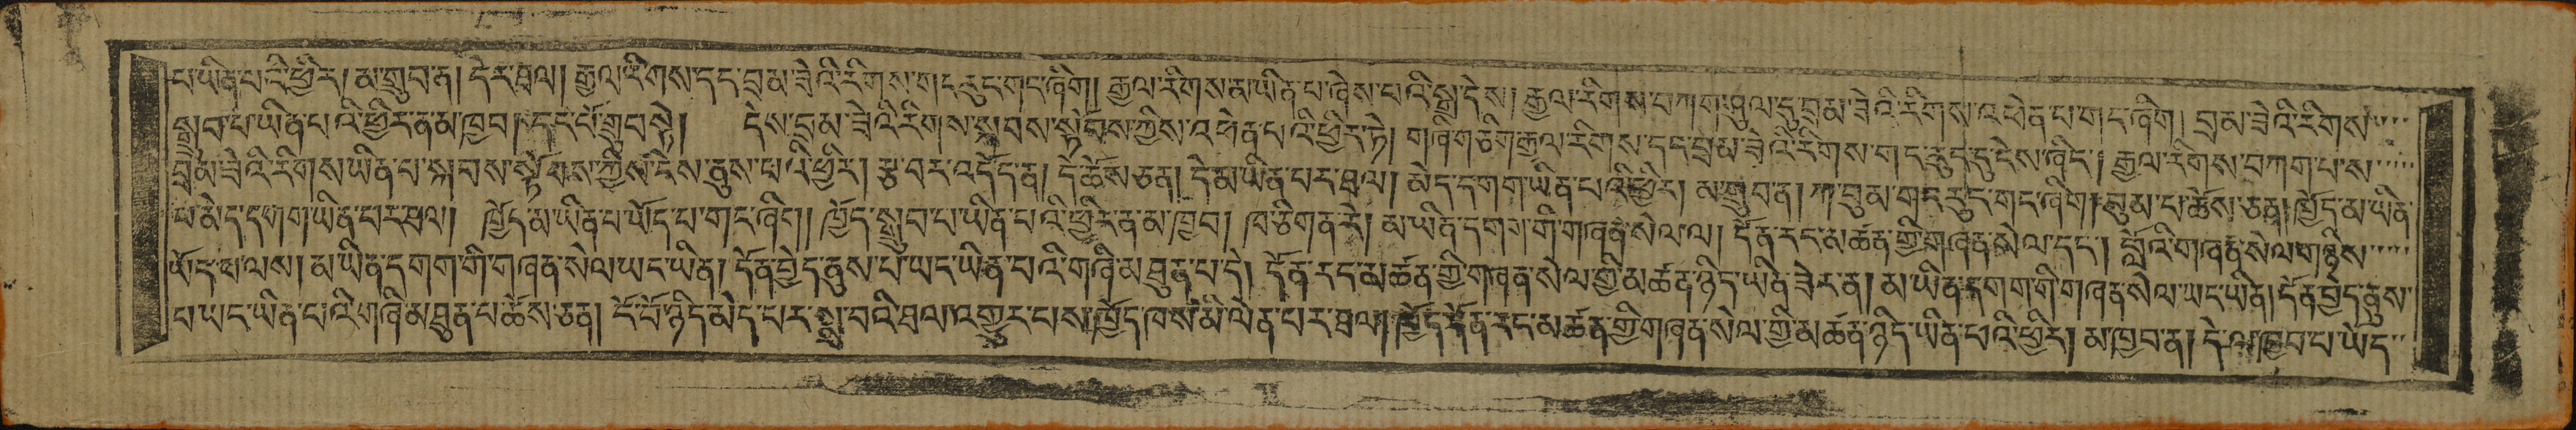པ་ཡིན་པའི་ཕྱིར། མ་གྲུབ་ན། དེར་ཐལ། རྒྱལ་རིགས་དང་བྲམ་ཟེའི་རིགས་གང་རུང་གང་ཞིག །རྒྱལ་རིགས་མ་ཡིན་པ་ཞེས་པའི་སྒྲ་དེས། རྒྱལ་རིགས་བཀག་ཤུལ་དུ་བྲམ་ཟེའི་རིགས་འཕེན་པ་གང་ཞིག །བྲམ་ཟེའི་རིགས་
སྒྲུབ་པ་ཡིན་པའི་ཕྱིར་ན་མ་ཁྱབ། དང་པོ་སྒྲུབ་སྟེ། དེས་བྲམ་ཟེའི་རིགས་སྐབས་སྟོབས་ཀྱིས་འཕེན་པའི་ཕྱིར་ཏེ། གཞི་གཅིག་རྒྱལ་རིགས་དང་བྲམ་ཟེའི་རིགས་གང་རུང་དུ་ངེས་ཞིང་། རྒྱལ་རིགས་བཀག་པས་
བྲམ་ཟེའི་རིགས་ཡིན་པ་སྐབས་སྟོབས་ཀྱིས་ངེས་ནུས་པའི་ཕྱིར། རྩ་བར་འདོད་ན། དེ་ཆོས་ཅན། དེ་མ་ཡིན་པར་ཐལ། མེད་དགག་ཡིན་པའི་ཕྱིར། མ་གྲུབ་ན། ཀ་བུམ་གང་རུང་གང་ཞིག །བུམ་པ་ཆོས་ཅན། ཁྱོད་མ་ཡིན་
པ་མེད་དགག་ཡིན་པར་ཐལ། ཁྱོད་མ་ཡིན་པ་ཡོད་པ་གང་ཞིག །ཁྱོད་སྒྲུབ་པ་ཡིན་པའི་ཕྱིར་ན་མ་ཁྱབ། ཁ་ཅིག་ན་རེ། མ་ཡིན་དགག་གི་གཞན་སེལ་ལ། དོན་རང་མཚན་གྱི་གཞན་སེལ་དང་། བློའི་གཞན་སེལ་གཉིས་
ཡོད་པ་ལས། མ་ཡིན་དགག་གི་གཞན་སེལ་ཡང་ཡིན། དོན་བྱེད་ནུས་པ་ཡང་ཡིན་པའི་གཞི་མཐུན་པ་དེ། དོན་རང་མཚན་གྱི་གཞན་སེལ་གྱི་མཚན་ཉིད་ཡིན་ཟེར་ན། མ་ཡིན་དགག་གི་གཞན་སེལ་ཡང་ཡིན། དོན་བྱེད་ནུས་
པ་ཡང་ཡིན་པའི་གཞི་མཐུན་པ་ཆོས་ཅན། ངོ་བོ་ཉིད་མེད་པར་སྨྲ་བའི་ཐལ་འགྱུར་པས་ཁྱོད་ཁས་མི་ལེན་པར་ཐལ། ཁྱོད་དོན་རང་མཚན་གྱི་གཞན་སེལ་གྱི་མཚན་ཉིད་ཡིན་པའི་ཕྱིར། མ་ཁྱབ་ན། དེ་ལ་ཁྱབ་པ་ཡོད་